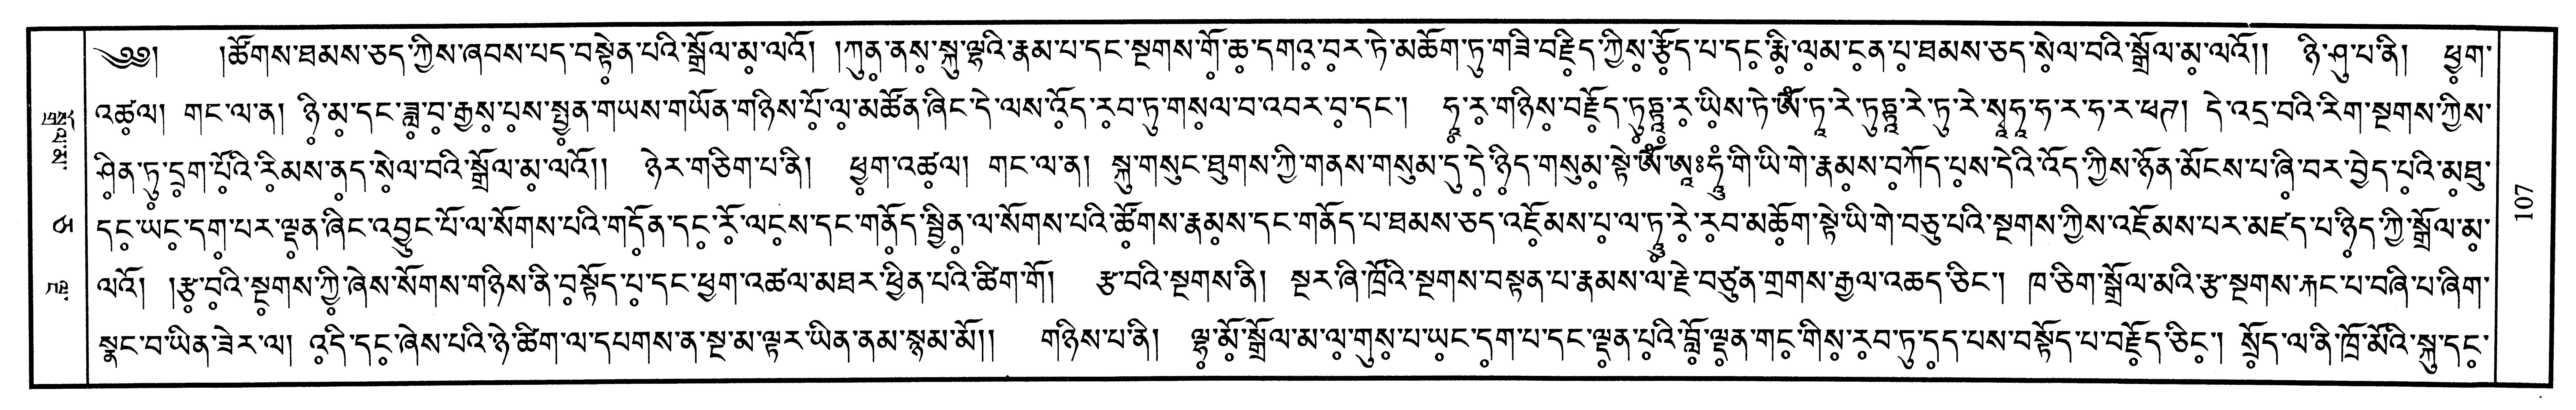༄༅། །ཚོགས་ཐམས་ཅད་ཀྱིས་ཞབས་པད་བསྟེན་པའི་སྒྲོལ་མ་ལའོ། །ཀུན་ནས་སྐུ་ལྷའི་རྣམ་པ་དང་སྔགས་གོ་ཆ་དགའ་བར་ཏེ་མཆོག་ཏུ་གཟི་བརྗིད་ཀྱིས་རྩོད་པ་དང་རྨི་ལམ་ངན་པ་ཐམས་ཅད་སེལ་བའི་སྒྲོལ་མ་ལའོ།། ཉི་ཤུ་པ་ནི། ཕྱག་
འཚལ། གང་ལ་ན། ཉི་མ་དང་ཟླ་བ་རྒྱས་པས་སྤྱན་གཡས་གཡོན་གཉིས་པོ་ལ་མཚོན་ཞིང་དེ་ལས་འོད་རབ་ཏུ་གསལ་བ་འབར་བ་དང་། ཧཱ་ར་གཉིས་བརྗོད་ཏུཏྟཱ་ར་ཡིས་ཏེ་ཨོཾ་ཏཱ་རེ་ཏུཏྟཱ་རེ་ཏུ་རེ་སྭཱཧཱ་ཧ་ར་ཧ་ར་ཕཊ། དེ་འདྲ་བའི་རིག་སྔགས་ཀྱིས་
ཤིན་ཏུ་དྲག་པོའི་རིམས་ནད་སེལ་བའི་སྒྲོལ་མ་ལའོ།། ཉེར་གཅིག་པ་ནི། ཕྱག་འཚལ། གང་ལ་ན། སྐུ་གསུང་ཐུགས་ཀྱི་གནས་གསུམ་དུ་དེ་ཉིད་གསུམ་སྟེ་ཨོཾ་ཨཱཿ ཧཱུཾ་གི་ཡི་གེ་རྣམས་བཀོད་པས་དེའི་འོད་ཀྱིས་ཉོན་མོངས་པ་ཞི་བར་བྱེད་པའི་མཐུ་
དང་ཡང་དག་པར་ལྡན་ཞིང་འབྱུང་པོ་ལ་སོགས་པའི་གདོན་དང་རོ་ལངས་དང་གནོད་སྦྱིན་ལ་སོགས་པའི་ཚོགས་རྣམས་དང་གནོད་པ་ཐམས་ཅད་འཇོམས་པ་ལ་ཏཱུ་རེ་རབ་མཆོག་སྟེ་ཡི་གེ་བཅུ་པའི་སྔགས་ཀྱིས་འཇོམས་པར་མཛད་པ་ཉིད་ཀྱི་སྒྲོལ་མ་
ལའོ། །རྩ་བའི་སྔགས་ཀྱི་ཞེས་སོགས་གཉིས་ནི་བསྟོད་པ་དང་ཕྱག་འཚལ་མཐར་ཕྱིན་པའི་ཚིག་གོ། རྩ་བའི་སྔགས་ནི། སྔར་ཞི་ཁྲོའི་སྔགས་བསྟན་པ་རྣམས་ལ་རྗེ་བཙུན་གྲགས་རྒྱལ་འཆད་ཅིང་། ཁ་ཅིག་སྒྲོལ་མའི་རྩ་སྔགས་རྐང་པ་བཞི་པ་ཞིག་
སྣང་བ་ཡིན་ཟེར་ལ། འདི་དང་ཞེས་པའི་ཉེ་ཚིག་ལ་དཔགས་ན་སྔ་མ་ལྟར་ཡིན་ནམ་སྙམ་མོ།། གཉིས་པ་ནི། ལྷ་མོ་སྒྲོལ་མ་ལ་གུས་པ་ཡང་དག་པ་དང་ལྡན་པའི་བློ་ལྡན་གང་གིས་རབ་ཏུ་དད་པས་བསྟོད་པ་བརྗོད་ཅིང་། སྲོད་ལ་ནི་ཁྲོ་མོའི་སྐུ་དང་